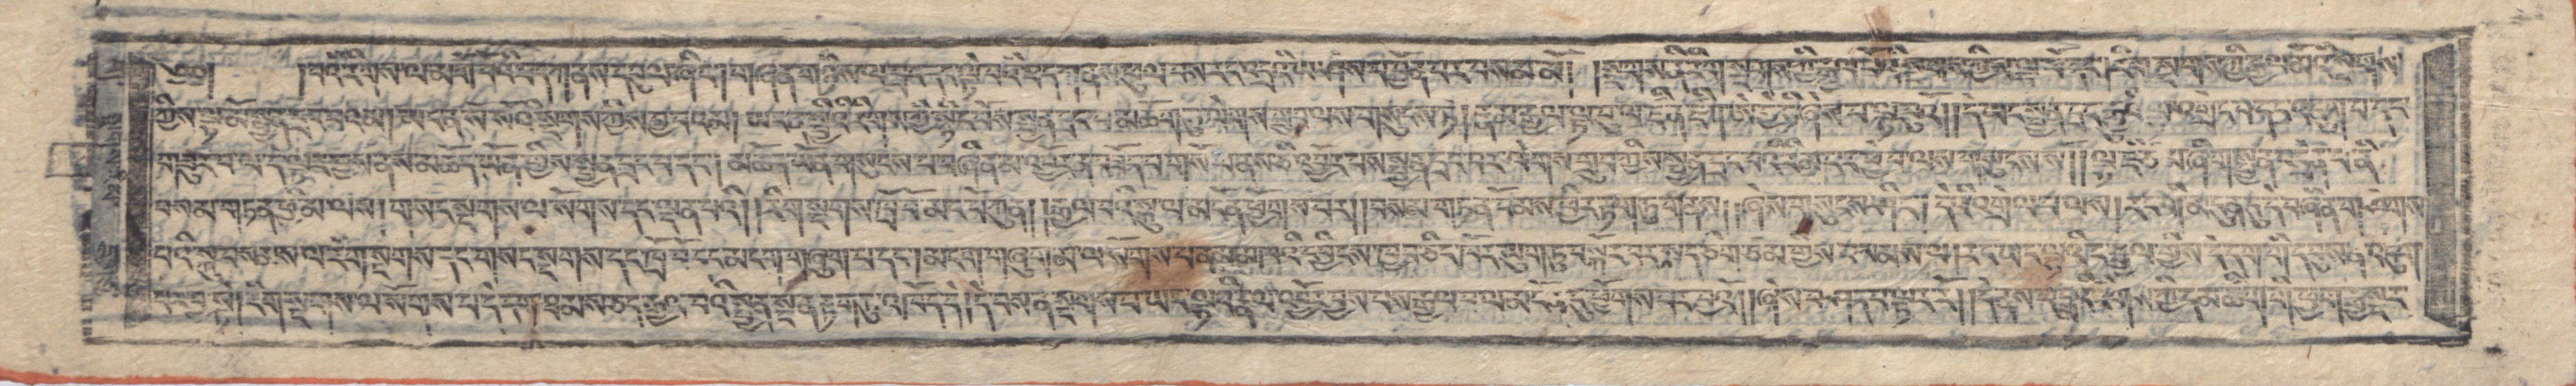༄༅། །པའི་རིགས་ལ་མགོ་བོའི་ཐད་ཀ་ནས་དབུལ་ཞིང་། གཞན་གཉིས་ལ་བྲང་དང་ལྟེ་བའི་ཐད་ཀ་ནས་ཕུལ་བས་རང་འདྲའི་ཡེ་ཤེས་པ་བྱོན་པར་བསམ་མོ། །སྔགས་ནི་རིག་སྔགས་ཀྱི་རྒྱལ་པོའི་སྔགས་ཀྱིས་ལྷ་ཕོ་དང་། རིག་སྔགས་ཀྱི་རྒྱལ་མོའི་སྔགས་
ཀྱིས་ལྷ་མོ་སྤྱན་དྲང་བའམ། ཡང་ན་སོ་སོའི་སྔགས་ཀྱིས་བྱ་བའམ། ཡང་ན་སྤྱིའི་རིགས་ཀྱི་སྙིང་པོས་སྤྱན་དྲང་པ་མཆོག་ཏུ་ལེགས་གྲུབ་ལས་གསུངས་ཏེ། རྣམ་རྒྱལ་ལྟ་བུ་ལ་ཛ་ནི་ཛ་ཀི་ཨེ་ཧྱེ་ཧི་ཞེས་པ་ལྟ་བུའོ། །དེ་ཡང་སྤྱན་དྲང་རྒྱུའི་ལྷ་འགྲེང་བ་དང་འདུག་པ་དང་
གཟུར་བ་ལ་དེ་ལྟར་བྱས་ནས་མཆོད་ཡོན་གྱིས་སྤྱན་དྲང་བ་དང་། མཆོད་ཡོན་གསུངས་པ་བཞིན་མ་འབྱོར་ན་བཟོད་པ་གསོལ་ནས་ཅི་འབྱོར་པས་སྤྱན་དྲང་བར་ལེགས་གྲུབ་ཀྱིས་སྤྱན་དྲང་བའི་རིམ་པར་ཕྱེ་བ་ལས་གསུངས་སོ། །ལྷ་ཇི་ཙམ་ཞིག་སྤྱན་འདྲེན་པ་ནི་
བསམ་གཏན་ཕྱི་མ་ལས། གསང་སྔགས་ལ་སོགས་དང་ལྡན་པའི། །རིག་སྔགས་ཁྲོ་བོ་མང་པོ་ཀུན། །རྒྱལ་བའི་སྐུ་ལ་མངོན་ཕྱོགས་པར། །བསམ་གཏན་ངོམས་ཕྱིར་རྟག་ཏུ་གནས། །ཞེས་གསུངས་ཤིང་། དེའི་འགྲེལ་པ་ལས། རང་གི་མདུན་དུ་དེ་བཞིན་གཤེགས་
པའི་སྐུ་བསམས་ལ་རིག་སྔགས་དང་གསང་སྔགས་དང་ཁྲོ་བོ་དང་མངག་གཞུག་པ་དང་། མངག་གཞུག་མ་ལ་སོགས་པ་ནམ་མཁའི་དབྱིངས་ཁྱབ་ཅིང་ཁོར་ཡུག་ཏུ་བསྐོར་བར་སྐད་ཅིག་ཙམ་གྱིས་བསམས་ལ། རང་ཡང་ལྷའི་ང་རྒྱལ་གྱིས་དེ་དག་གི་དབུས་ན་འཇུག་
པར་བྱ་སྟེ། རིག་སྔགས་ལ་སོགས་པ་དེ་དག་ཐམས་ཅད་རྒྱལ་བའི་སྤྱན་སྔ་ན་རྟག་ཏུ་འཁོད་དེ། དེ་བས་ན་སྔགས་པ་ཡང་ལྷའི་རྣལ་འབྱོར་བྱས་པས་རྒྱལ་བ་ལ་མངོན་དུ་ཕྱོགས་པར་བྱའོ། །ཞེས་བཤད་པ་ལྟར་རོ། །དེ་ནས་པདམའི་རིགས་ཀྱི་དམ་ཚིག་གི་ཕྱག་རྒྱ་སྔར་